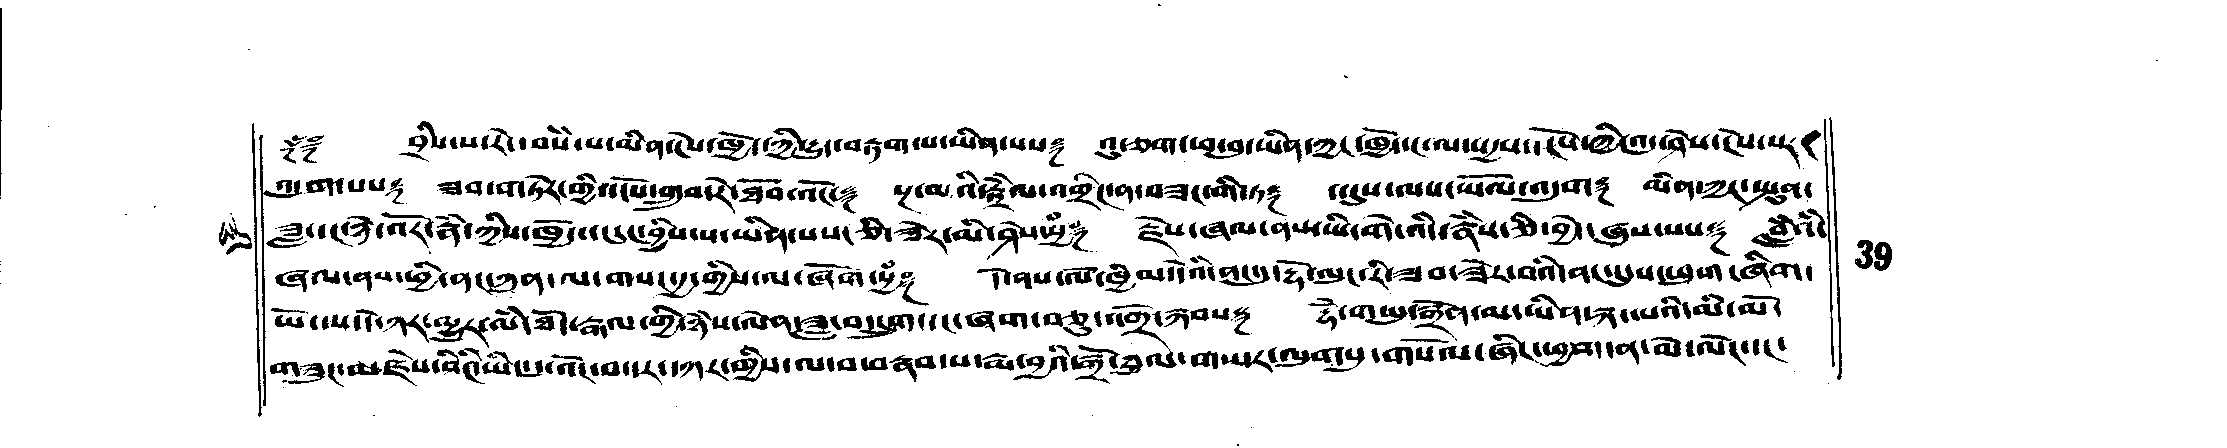བྲིས་པ་རེད་བསམ་པ་མིན་ངེས་ཁྱོད་ཀྱི་རྒྱུད་བརྟག་པ་ཡིན་པས། འུ་ཅག་ཕ་བུ་ཡིན་ཀྱང་ཁྱོད་ང་ལ་སངས་རྒྱས་དངོས་ཀྱི་འདུ་ཤེས་ངེས་པར་
འདུག་པས། ཟབ་གཏེར་གྱི་དངོས་གྲུབ་རེ་ཐོབ་འོང་། སྔ་མའི་རྟེན་འབྲེལ་འགྲིགས་ན་བཟང་གི་ཏ། ད་དུས་ལས་ཡོལ་འདུག མིན་ཀྱང་སྤུན་
ཟླ་དང་ཉེ་འཁོར་རྣམས་ཀྱིས་ཁྱོད་ད་དུང་བྱིས་པ་ཡིན་པས་ཅི་ཟེར་མི་ཤེས་གསུངས། རྗེའི་ཞལ་ནས་ཡི་གེ་འདི་རྣམས་ཅི་བྱེད་ཞུས་པས། བླ་མའི་
ཞལ་ནས་ཕྱི་ནང་ཀུན་ལ་གསང་རྒྱ་གྱིས་ལ་ཞོག་གསུང་། དེ་ནས་ལོ་ཁྱིམ་དེའི་ནང་དུ་རྡོ་ལུང་རི་ཟབ་ཟེར་བའི་ནང་དུ་ས་ཕུག་ཞིག་
ཡོད་པ་དེ་ཀར་མྱུར་ལམ་ཐོད་རྒལ་གྱི་ཉམས་ལེན་ཟླ་བ་དྲུག་དང་ཞག་བཅུ་འགྲོ་སྐབས། རྡོ་རྗེ་གཡུ་སྒྲོན་མ་ཡིན་སྐད་པའི་མི་མོ་
གཟུགས་མཛེས་པ་ཡིད་དུ་འོང་བ་དར་དཀར་གྱིས་ལྭ་བ་མནབས་པ་རྨ་བྱའི་སྒྲོ་ཐུལ་གཡང་ལུགས་སུ་གསོལ་ཞིང་ཕྱག་ན་མེ་ལོང་དང་